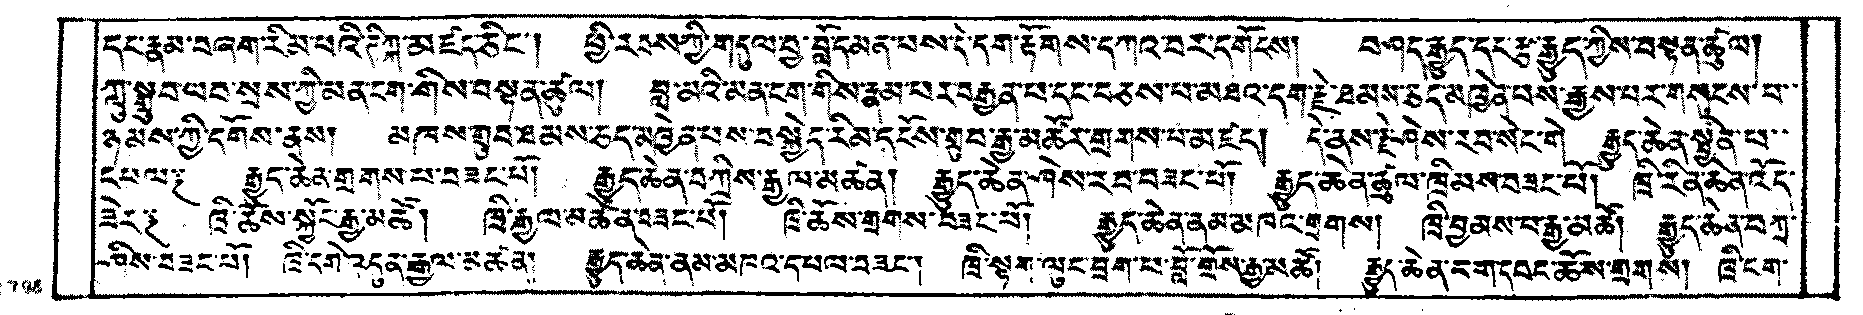དང་རྣམ་བཞག་རིམ་པའི་ཊིཀྐ་མཛད་ཅིང་། ཕྱི་རབས་ཀྱི་གདུལ་བྱ་བློ་དམན་པས་དེ་དག་རྟོགས་དཀའ་བར་དགོངས། བཤད་རྒྱུད་དང་རྩ་རྒྱུད་ཀྱིས་བསྟན་ཚུལ།
ཀླུ་སྒྲུབ་ཡབ་སྲས་ཀྱི་མན་ངག་གིས་བསྟན་ཚུལ། བླ་མའི་མན་ངག་གིས་རྣམ་པར་བརྒྱན་པ་དང་བཅས་པ་མཐའ་དག་རྗེ་ཐམས་ཅད་མཁྱེན་པས་རྒྱས་པར་གསུངས་པ་
ཉམས་ཀྱི་དགོས་ནས། མཁས་གྲུབ་ཐམས་ཅད་མཁྱེན་པས་བསྐྱེད་རིམ་དངོས་གྲུབ་རྒྱ་མཚོར་གྲགས་པ་མཛད། དེ་ནས་རྗེ་ཤེས་རབ་སེང་གེ། རྒྱུད་ཆེན་སྦྱིན་པ་
དཔལ༑ རྒྱུད་ཆེན་གྲགས་པ་བཟང་པོ། རྒྱུད་ཆེན་བཀྲིས་རྒྱལ་མཚན། རྒྱུད་ཆེན་ཤེས་རབ་བཟང་པོ། རྒྱུད་ཆེན་ཚུལ་ཁྲིམས་བཟང་པོ། ཁྲི་རིན་ཆེན་འོད་
ཟེར༑ ཁྲི་ཆོས་སྐྱོང་རྒྱ་མཚོ། ཁྲི་རྒྱལ་མཚན་བཟང་པོ། ཁྲི་ཆོས་གྲགས་བཟང་པོ། རྒྱུད་ཆེན་ནམ་མཁའ་གྲགས། ཁྲི་བྱམས་པ་རྒྱ་མཚོ། རྒྱུད་ཆེན་བཀྲ་
ཤིས་བཟང་པོ། ཁྲི་དགེ་འདུན་རྒྱལ་མཚན། རྒྱུད་ཆེན་ནམ་མཁའ་དཔལ་བཟང་། ཁྲི་སྟག་ལུང་བྲག་པ་བློ་གྲོས་རྒྱ་མཚོ། རྒྱུད་ཆེན་ངག་དབང་ཆོས་གྲགས། ཁྲི་ངག་